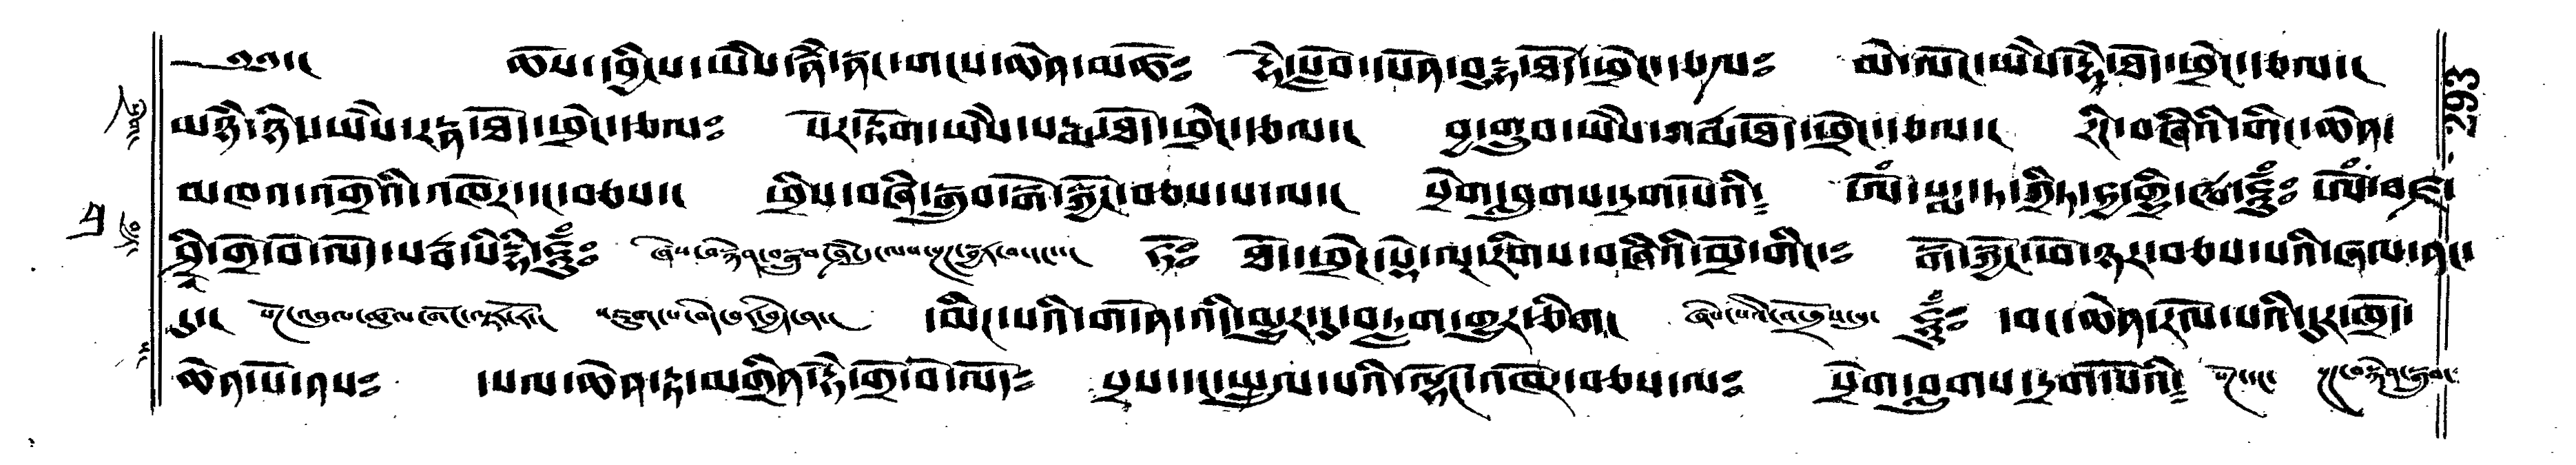ཆོས་དབྱིངས་ཡེ་ཤེས་རྣམ་སྣང་གང་ཆེན་མཚོ༔ རྡོ་རྗེ་སློབ་དཔོན་བུདྷ་ཐོད་ཕྲེང་རྩལ༔ མེ་ལོང་ཡེ་ཤེས་རྡོ་རྗེ་ཐོད་ཕྲེང་རྩལ༔ 
མཉམ་ཉིད་ཡེ་ཤེས་རདྣ་ཐོད་ཕྲེང་རྩལ༔ སོར་རྟོག་ཡེ་ཤེས་པདྨ་ཐོད་ཕྲེང་རྩལ༔ བྱ་གྲུབ་ཡེ་ཤེས་ཀརྨ་ཐོད་ཕྲེང་རྩལ༔ རིགས་བཞིའི་གིང་ཆེན་
མཁའ་འགྲོའི་འཁོར་དང་བཅས༔ ཕྲིན་ལས་བཞི་སྒྲུབ་སྒོ་སྐྱོང་བཅས་པ་ལ༔ སྲེག་བླུགས་དྲག་པོའི༴ ཨོཾ་པདྨ་ཏ་ཀྲིཏ་ཧྱ་གྷྲི་ཝ་ཧཱུྃ༔ ཨོཾ་བཛྲ་
ཤྲི་གྲོ་བོ་ལོད་སརྦ་སིདྡྷི་ཧཱུྃ༔ ཞེས་བསྙེན་བསྒྲུབ་གཤམ་དུ་ལས་སྔགས་སྦྱར་བ་དང་། ཧོ༔ ཐོད་ཕྲེང་སྡེ་ལྔ་རིགས་བཞིའི་མཁའ་འགྲོ་གིང་༔ སྒོ་སྐྱོང་ཕོ་ཉར་བཅས་པའི་ཞལ་ནང
་དུ༔ སོགས་འབུལ་ཚུལ་གོང་ལྟར་རོ། འཇུག་པ་བདེ་བར་བྱེད་ན། དམིགས་པའི་གདོན་འདི་མྱུར་དུ་བརླག་གྱུར་ཅིག༔ ཞེས་པའི་འཕྲོས་སུ། ཧཱུྃ༔ དབང་ཆེན་རོལ་པའི་དུར་ཁྲོད་
ཆེན་པོ་ནས༔ དཔལ་ཆེན་རྟ་མགྲིན་རྡོ་རྗེ་གྲོ་བོ་ལོད༔ སྲས་དང་སྤྲུལ་པའི་ལྷ་ཚོགས་འཁོར་བཅས་ལ༔ སྲེག་བླུགས་དྲག་པོའི༴ སོགས་དང་། སྔགས་བསྙེན་སྒྲུབ་